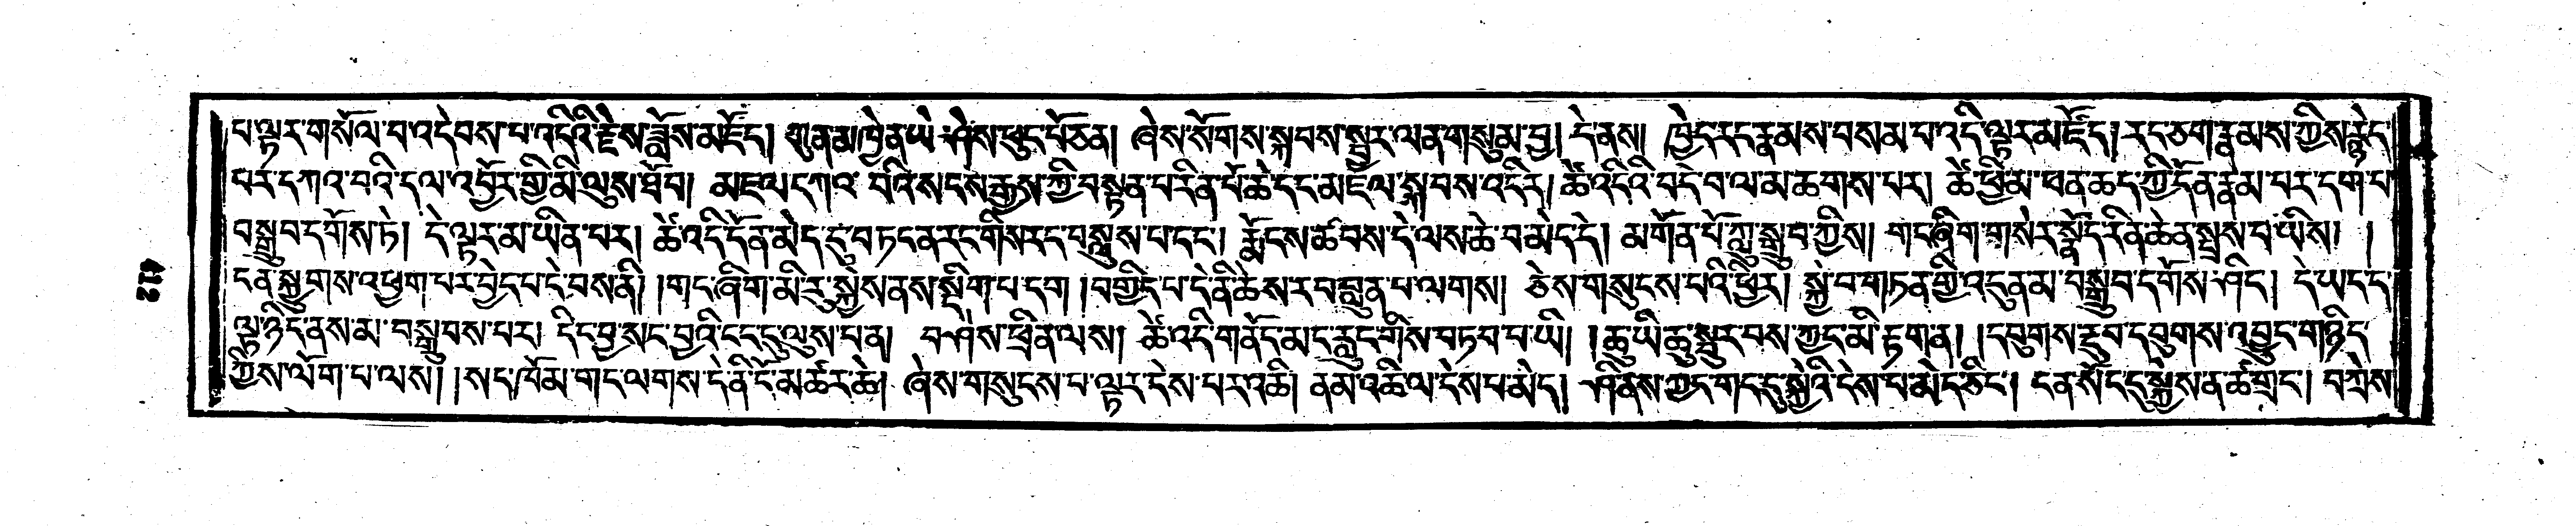པ་ལྟར་གསོལ་བ་འདེབས་པ་འདིའི་རྗེས་ཟློས་མཛོད། ཀུན་མཁྱེན་ཡེ་ཤེས་ཕུང་པོ་ཅན། ཞེས་སོགས་སྐབས་སྦྱར་ལན་གསུམ་བྱ། དེ་ནས། ཁྱེད་རང་རྣམས་བསམ་པ་འདི་ལྟར་མཛོད། རང་ཅག་རྣམས་ཀྱིས་རྙེད་
པར་དཀའ་བའི་དལ་འབྱོར་གྱི་མི་ལུས་ཐོབ། མཇལ་དཀའ་བའི་སངས་རྒྱས་ཀྱི་བསྟན་པ་རིན་པོ་ཆེ་དང་མཇལ་སྐབས་འདིར། ཚེ་འདིའི་བདེ་བ་ལ་མ་ཆགས་པར། ཚེ་ཕྱི་མ་ཕན་ཆད་ཀྱི་དོན་རྣམ་པར་དག་པ་
བསྒྲུབ་དགོས་ཏེ། དེ་ལྟར་མ་ཡིན་པར། ཚེ་འདི་དོན་མེད་དུ་བཏང་ན་རང་གིས་རང་བསླུས་པ་དང་། རྨོངས་ཚབས་དེ་ལས་ཆེ་བ་མེད་དེ། མགོན་པོ་ཀླུ་སྒྲུབ་ཀྱིས། གང་ཞིག་གསེར་སྣོད་རིན་ཆེན་སྤྲས་པ་ཡིས། །
ངན་སྐྱུགས་འཕྱག་པར་བྱེད་པ་དེ་བས་ནི། །གང་ཞིག་མི་རུ་སྐྱེས་ནས་སྡིག་པ་དག །བགྱིད་པ་དེ་ནི་ཆེས་རབ་བླུན་པ་ལགས། ཅེས་གསུངས་པའི་ཕྱིར། སྐྱེ་བ་གཏན་གྱི་འདུན་མ་བསྒྲུབ་དགོས་ཤིང་། དེ་ཡང་ད་
ལྟ་ཉིད་ནས་མ་བསྒྲུབས་པར། དིང་བྱ་སང་བྱའི་ངང་དུ་ལུས་པ་ན། བཤེས་ཕྲིན་ལས། ཚེ་འདི་གནོད་མང་རླུང་གིས་བཏབ་པ་ཡི། །ཆུ་ཡི་ཆུ་སྦུར་བས་ཀྱང་མི་རྟག་ན། །དབུགས་རྔུབ་དབུགས་འབྱུང་གཉིད་
ཀྱིས་ལོག་པ་ལས། །སང་ཁོམ་གང་ལགས་དེ་ནི་ངོ་མཚར་ཆེ། ཞེས་གསུངས་པ་ལྟར་ངེས་པར་འཆི། ནམ་འཆི་ལ་ངེས་པ་མེད། ཤི་ནས་ཀྱང་གང་དུ་སྐྱེའི་ངེས་པ་མེད་ཅིང་། ངན་སོང་དུ་སྐྱེས་ན་ཚ་གྲང་། བཀྲེས་